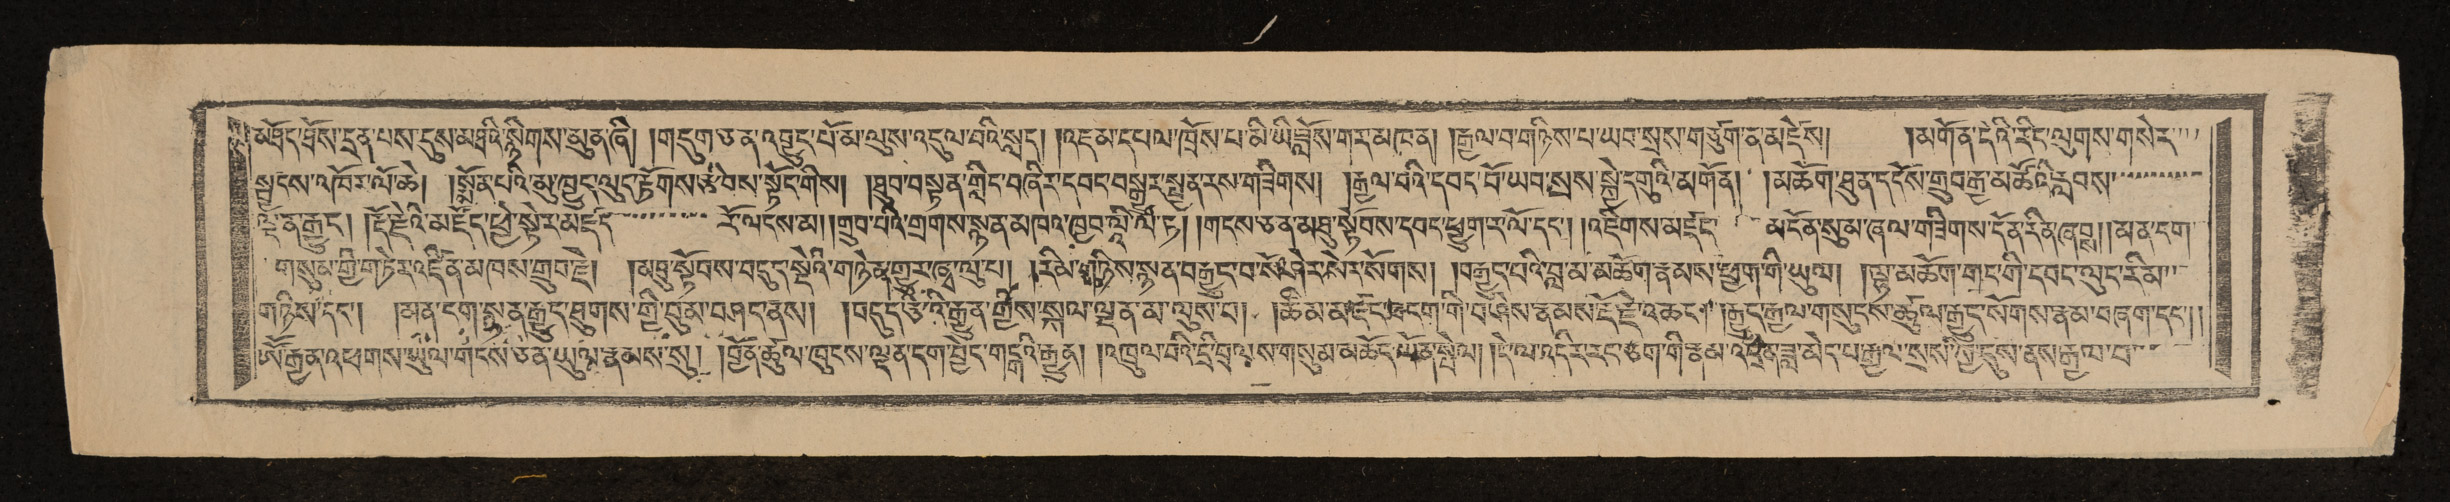མཐོང་ཐོས་དྲན་པས་དུས་མཐའི་སྙིགས་མུན་ཞི། །གདུག་ཅན་འབྱུང་པོ་མ་ལུས་འདུལ་བའི་སླད། །འཇམ་དཔལ་ཁྲོས་པ་མི་ཡི་ཟློས་གར་མཁན། །རྒྱལ་བ་གཉིས་པ་ཡབ་སྲས་གཙུག་ན་མཛེས། །མགོན་དེའི་རིང་ལུགས་གསེར་
སྦྱངས་འཁོར་ལོ་ཆེ། །སྨོན་པའི་མུ་ཁྱུད་ལུང་རྟོགས་རྩིབས་སྟོང་གིས། །ཐུབ་བསྟན་གླིང་བཞིར་དབང་བསྒྱུར་སྤྱན་རས་གཟིགས། །རྒྱལ་བའི་དབང་པོ་ཡབ་སྲས་སྐྱེད་གུའི་མགོན། །མཆོག་ཐུན་དངོས་གྲུབ་རྒྱ་མཚོའི་རླབས་
ལྡན་རྒྱུད། །རྡོ་རྗེའི་མཛོད་ཕྱེ་སྟེར་མཛད་རོ་ལངས་མ། །གྲུབ་པའི་གྲགས་སྙན་མཁའ་ཁྱབ་ལཱ་ལི་ཏ། །གངས་ཅན་མཐུ་སྟོབས་དབང་ཕྱུག་རྭ་ལོ་དང་། །འཇིགས་མཛད་མངོན་སུམ་ཞལ་གཟིགས་དོན་རིན་ཞབས། །མན་ངག་
གསུམ་གྱི་གཉེར་འཛིན་མཁས་གྲུབ་རྗེ། །མཐུ་སྟོབས་བདུད་སྡེའི་གཉེན་གྱུར་ཞྭ་ལུ་བ། །རིམ་གཉིས་སྙན་བརྒྱུད་པ་སོ་ཤེར་སེང་སོགས། །བརྒྱུད་པའི་བླ་མ་མཆོག་རྣམས་ཕྱག་གི་ཡུལ། །ལྷ་མཆོག་གང་གི་དབང་ལུང་རིམ་
གཉིས་དང་། །མན་ངག་སྙན་རྒྱུད་ཐུགས་ཀྱི་བུམ་བཟང་ནས། །བདུད་རྩིའི་རྒྱུན་གྱིས་སྐལ་ལྡན་མ་ལུས་པ། །ཚིམ་མཛད་བདག་གི་བཤེས་རྣམས་རྡོ་རྗེ་འཆང་། །རྒྱུད་རྒྱལ་གསུངས་ཚུལ་རྒྱུད་སོགས་རྣམ་བཞག་དང་། །ཨཽ་
རྒྱན་འཕགས་ཡུལ་གངས་ཅན་ཡུལ་རྣམས་སུ། །བྱོན་ཚུལ་ཁུངས་ལྡན་དག་བྱེད་གངྒཱའི་རྒྱུན། །འཁྲུལ་བའི་དྲི་བྲལ་ས་གསུམ་མཆོད་ཡོན་སྤེལ། །དེ་ལ་འདིར་རང་ཅག་གི་རྣམ་འདྲེན་ཟླ་མེད་པ་རྒྱལ་སྲས་ཀྱི་དུས་ནས་རྒྱལ་བ་